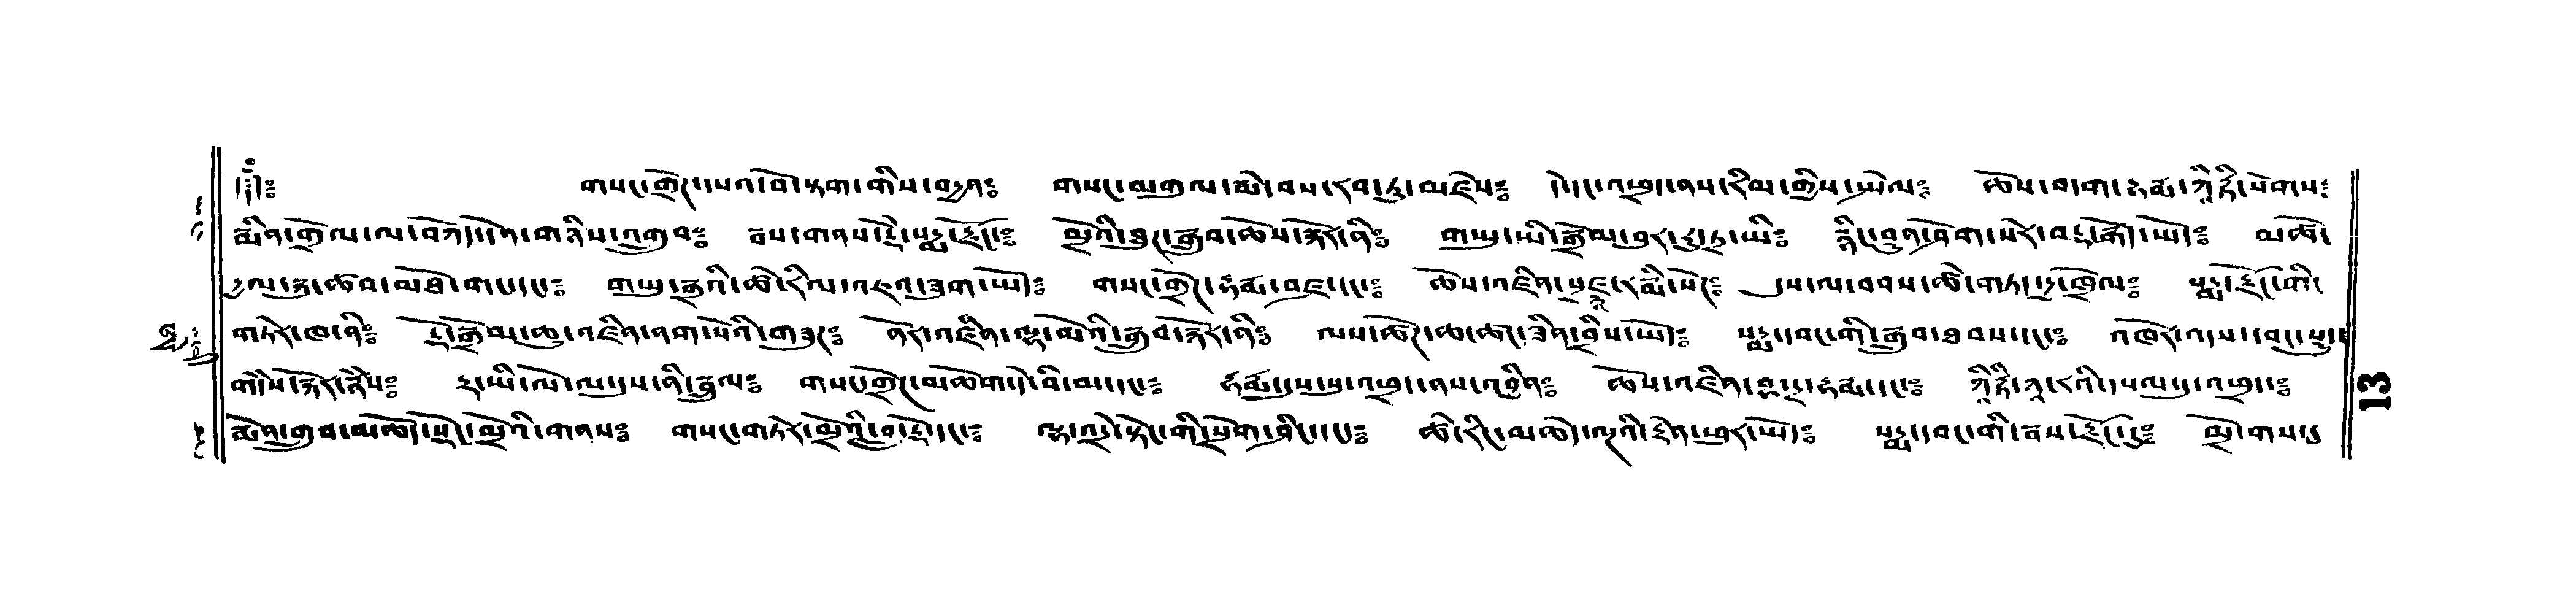གསང་གྲོགས་དཔའ་བོ་སྟག་གིས་བརྒྱན༔ གསང་མགུལ་སྨེ་བས་རབ་ཏུ་མཛེས༔ དེ་དང་འཕྲད་ནས་རིམ་གྱིས་སྤེལ༔ ཆོས་བདག་དྷརྨ་ཀཱིརྟི་སོགས༔ 
སྨིན་གྲོལ་ལ་འགོད་དོན་གཉིས་འགྲུབ༔ སྦས་གནས་རྡོ་རྗེ་པདྨ་རྫོང༔ མཁའ་འགྲོའི་ཐུགས་སྒྲུབ་ཆོས་སྐོར་ནི༔ གཡུ་ཡི་སྒྲོམ་བུར་རུ་ཏྲ་ཡི༔ སྙིང་ཤུན་ཤོག་སེར་བརྡ་རྒོད་ཡོད༔ མཚོ་
རྒྱལ་སྐུ་ཚབ་མཐོ་གང་དང༔ གཡུ་སྒྲའི་ཚེ་རིལ་འཇའ་ཟུག་ཡོད༔ གསང་གྲོགས་དྷརྨ་བཛྲ་དང༔ ཆོས་འཛིན་པྲཛྙཱ་རསྨི་སོགས༔ དུས་ལ་བབས་ཚེ་གཏད་རྒྱ་ཁྲོལ༔ པདྨ་རྫོང་གི་
གཏེར་ཁ་ནི༔ རྡོ་སྒྲོམ་ཆུ་འཛིན་ནག་པོའི་གཟུགས༔ ནོར་འཛིན་ལྷ་མོའི་སྒྲུབ་སྐོར་ནི༔ ལས་ཚོགས་ཆ་ཚང་ཟིན་བྲིས་ཡོད༔ པདྨ་དབང་གི་སྒྲུབ་ཐབས་དང༔ འཁོར་འདས་དབང་སྡུད་
གདམས་སྐོར་རྣམས༔ རྟ་ཡི་ལོ་ལ་དུས་ནི་སྦྲུལ༔ གསང་གྲོགས་མཆོག་དེ་བི་མ་དང༔ དྷརྨ་དུས་སུ་འཕྲད་ནས་འབྱིན༔ ཆོས་འཛིན་བྷ་དྲ་དྷརྨ་དང༔ ཀཱིརྟི་ཀཱ་རའི་དཔལ་དུ་འཕྲད༔ 
སྨོན་གྲུབ་མཆོད་སྡོ་མཁའ་འགྲོའི་གནས༔ གསང་གཏེར་མཁའ་འགྲོའི་བླ་རྡོ་དང༔ ལྷ་འདྲེ་སྟེང་གི་སྲོག་ཤིང་དང། ཚེ་རིང་མཆེད་ལྔའི་རྟེན་ཕུར་ཡོད༔ པདྨ་དབང་གིས་སྦས་རྫོང་དུ༔ མཁའ་འགྲོ་གསང་